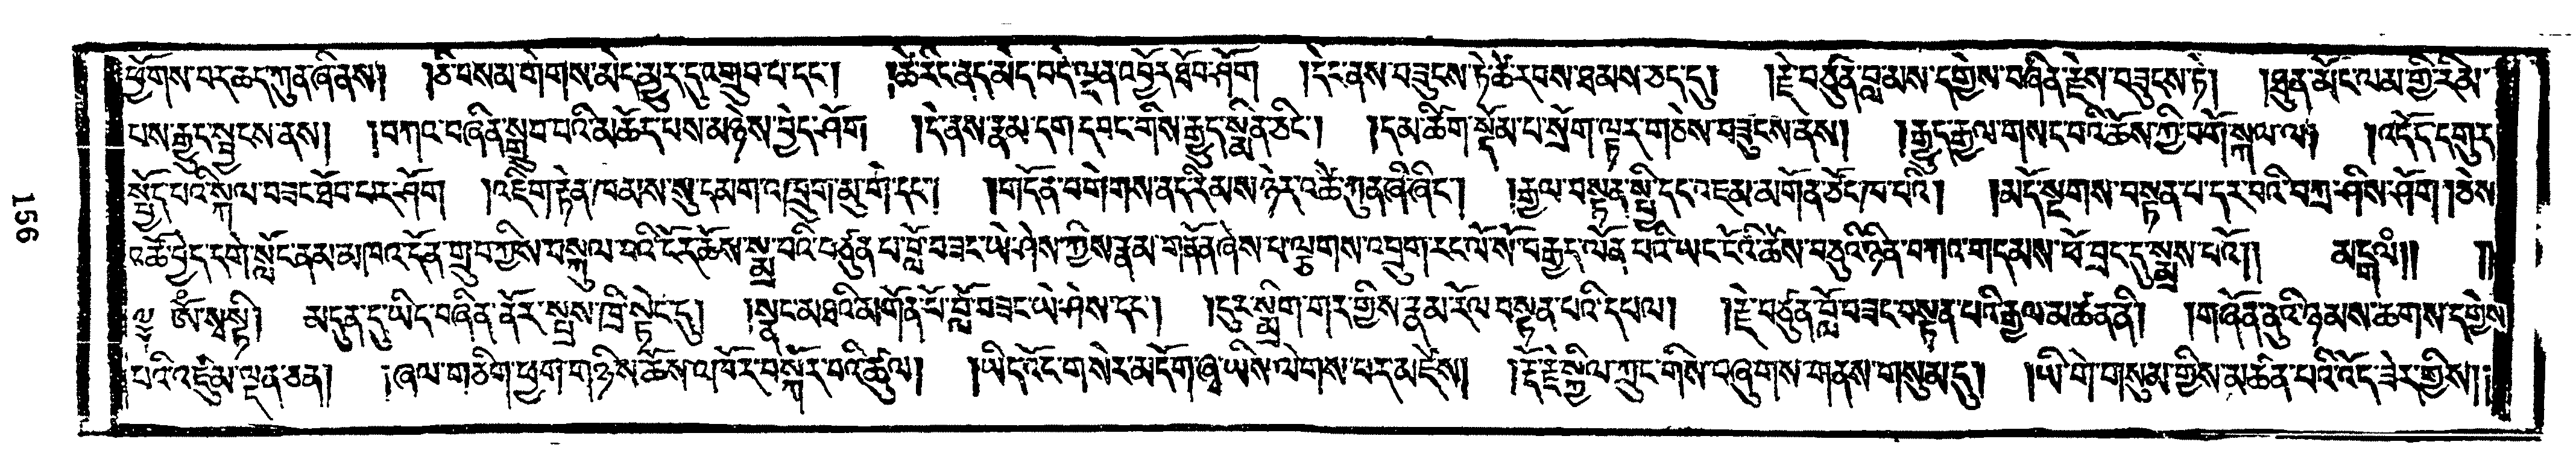ཕྱོགས་བར་ཆད་ཀུན་ཞི་ནས། །ཅི་བསམ་གེགས་མེད་མྱུར་དུ་འགྲུབ་པ་དང་། །ཚེ་རིང་ནད་མེད་བདེ་ལྡན་འབྱོར་ཐོབ་ཤོག །དེང་ནས་བཟུངས་ཏེ་ཚེ་རབས་ཐམས་ཅད་དུ། །རྗེ་བཙུན་བླ་མས་དགྱེས་བཞིན་རྗེས་བཟུངས་ཏེ། །ཐུན་མོང་ལམ་གྱི་རིམ་
པས་རྒྱུད་སྦྱངས་ནས། །བཀའ་བཞིན་སྒྲུབ་པའི་མཆོད་པས་མཉེས་བྱེད་ཤོག །དེ་ནས་རྣམ་དག་དབང་གིས་རྒྱུད་སྨིན་ཅིང་། །དམ་ཚིག་སྡོམ་པ་སྲོག་ལྟར་གཅེས་བཟུངས་ནས། །རྒྱུད་རྒྱལ་གསང་བའི་ཆོས་ཀྱི་བགོ་སྐལ་ལ། །འདོད་དགུར་
སྤྱོད་པའི་སྐལ་བཟང་ཐོབ་པར་ཤོག །འཇིག་རྟེན་ཁམས་སུ་དམག་འཁྲུག་མུ་གེ་དང་། །གདོན་བགེགས་ནད་རིམས་ཉེར་འཚེ་ཀུན་ཞི་ཞིང་། །རྒྱལ་བསྟན་སྤྱི་དང་འཇམ་མགོན་ཙོང་ཁ་པའི། །མདོ་སྔགས་བསྟན་པ་དར་བའི་བཀྲ་ཤིས་ཤོག །ཅེས་
འཚོ་བྱེད་དགེ་སློང་ནམ་མཁའ་དོན་གྲུབ་ཀྱིས་བསྐུལ་བའི་ངོར་ཆོས་སྨྲ་བའི་བཙུན་པ་བློ་བཟང་ཡེ་ཤེས་ཀྱིས་རྣམ་གནོན་ཞེས་པ་ལྕགས་འབྲུག་རང་ལོ་སོ་བརྒྱད་ལོན་པའི་ཡང་ངོའི་ཚེས་བཅུའི་ཉིན་བཀའ་གདམས་ཕོ་བྲང་དུ་སྨྲས་པའོ།། མངྒལཾ།། །།
༈ ཨོཾ་སྭསྟི། མདུན་དུ་ཡིད་བཞིན་ནོར་སྤྲས་ཁྲི་སྟེང་དུ། །སྣང་མཐའི་མགོན་པོ་བློ་བཟང་ཡེ་ཤེས་དང་། །དུར་སྨྲིག་གར་གྱིས་རྣམ་རོལ་བསྟན་པའི་དཔལ། །རྗེ་བཙུན་བློ་བཟང་བསྟན་པའི་རྒྱལ་མཚན་ནི། །གཞོན་ནུའི་ཉམས་ཆགས་དགྱེས་
པའི་འཛུམ་ལྡན་ཅན། །ཞལ་གཅིག་ཕྱག་གཉིས་ཆོས་འཁོར་བསྐོར་བའི་ཚུལ། །ཡིད་འོང་གསེར་མདོག་ཞྭ་ཡིས་ལེགས་པར་མཛེས། །རྡོ་རྗེ་སྐྱིལ་ཀྲུང་གིས་བཞུགས་གནས་གསུམ་དུ། །ཡི་གེ་གསུམ་གྱིས་མཚན་པའི་འོད་ཟེར་གྱིས། །